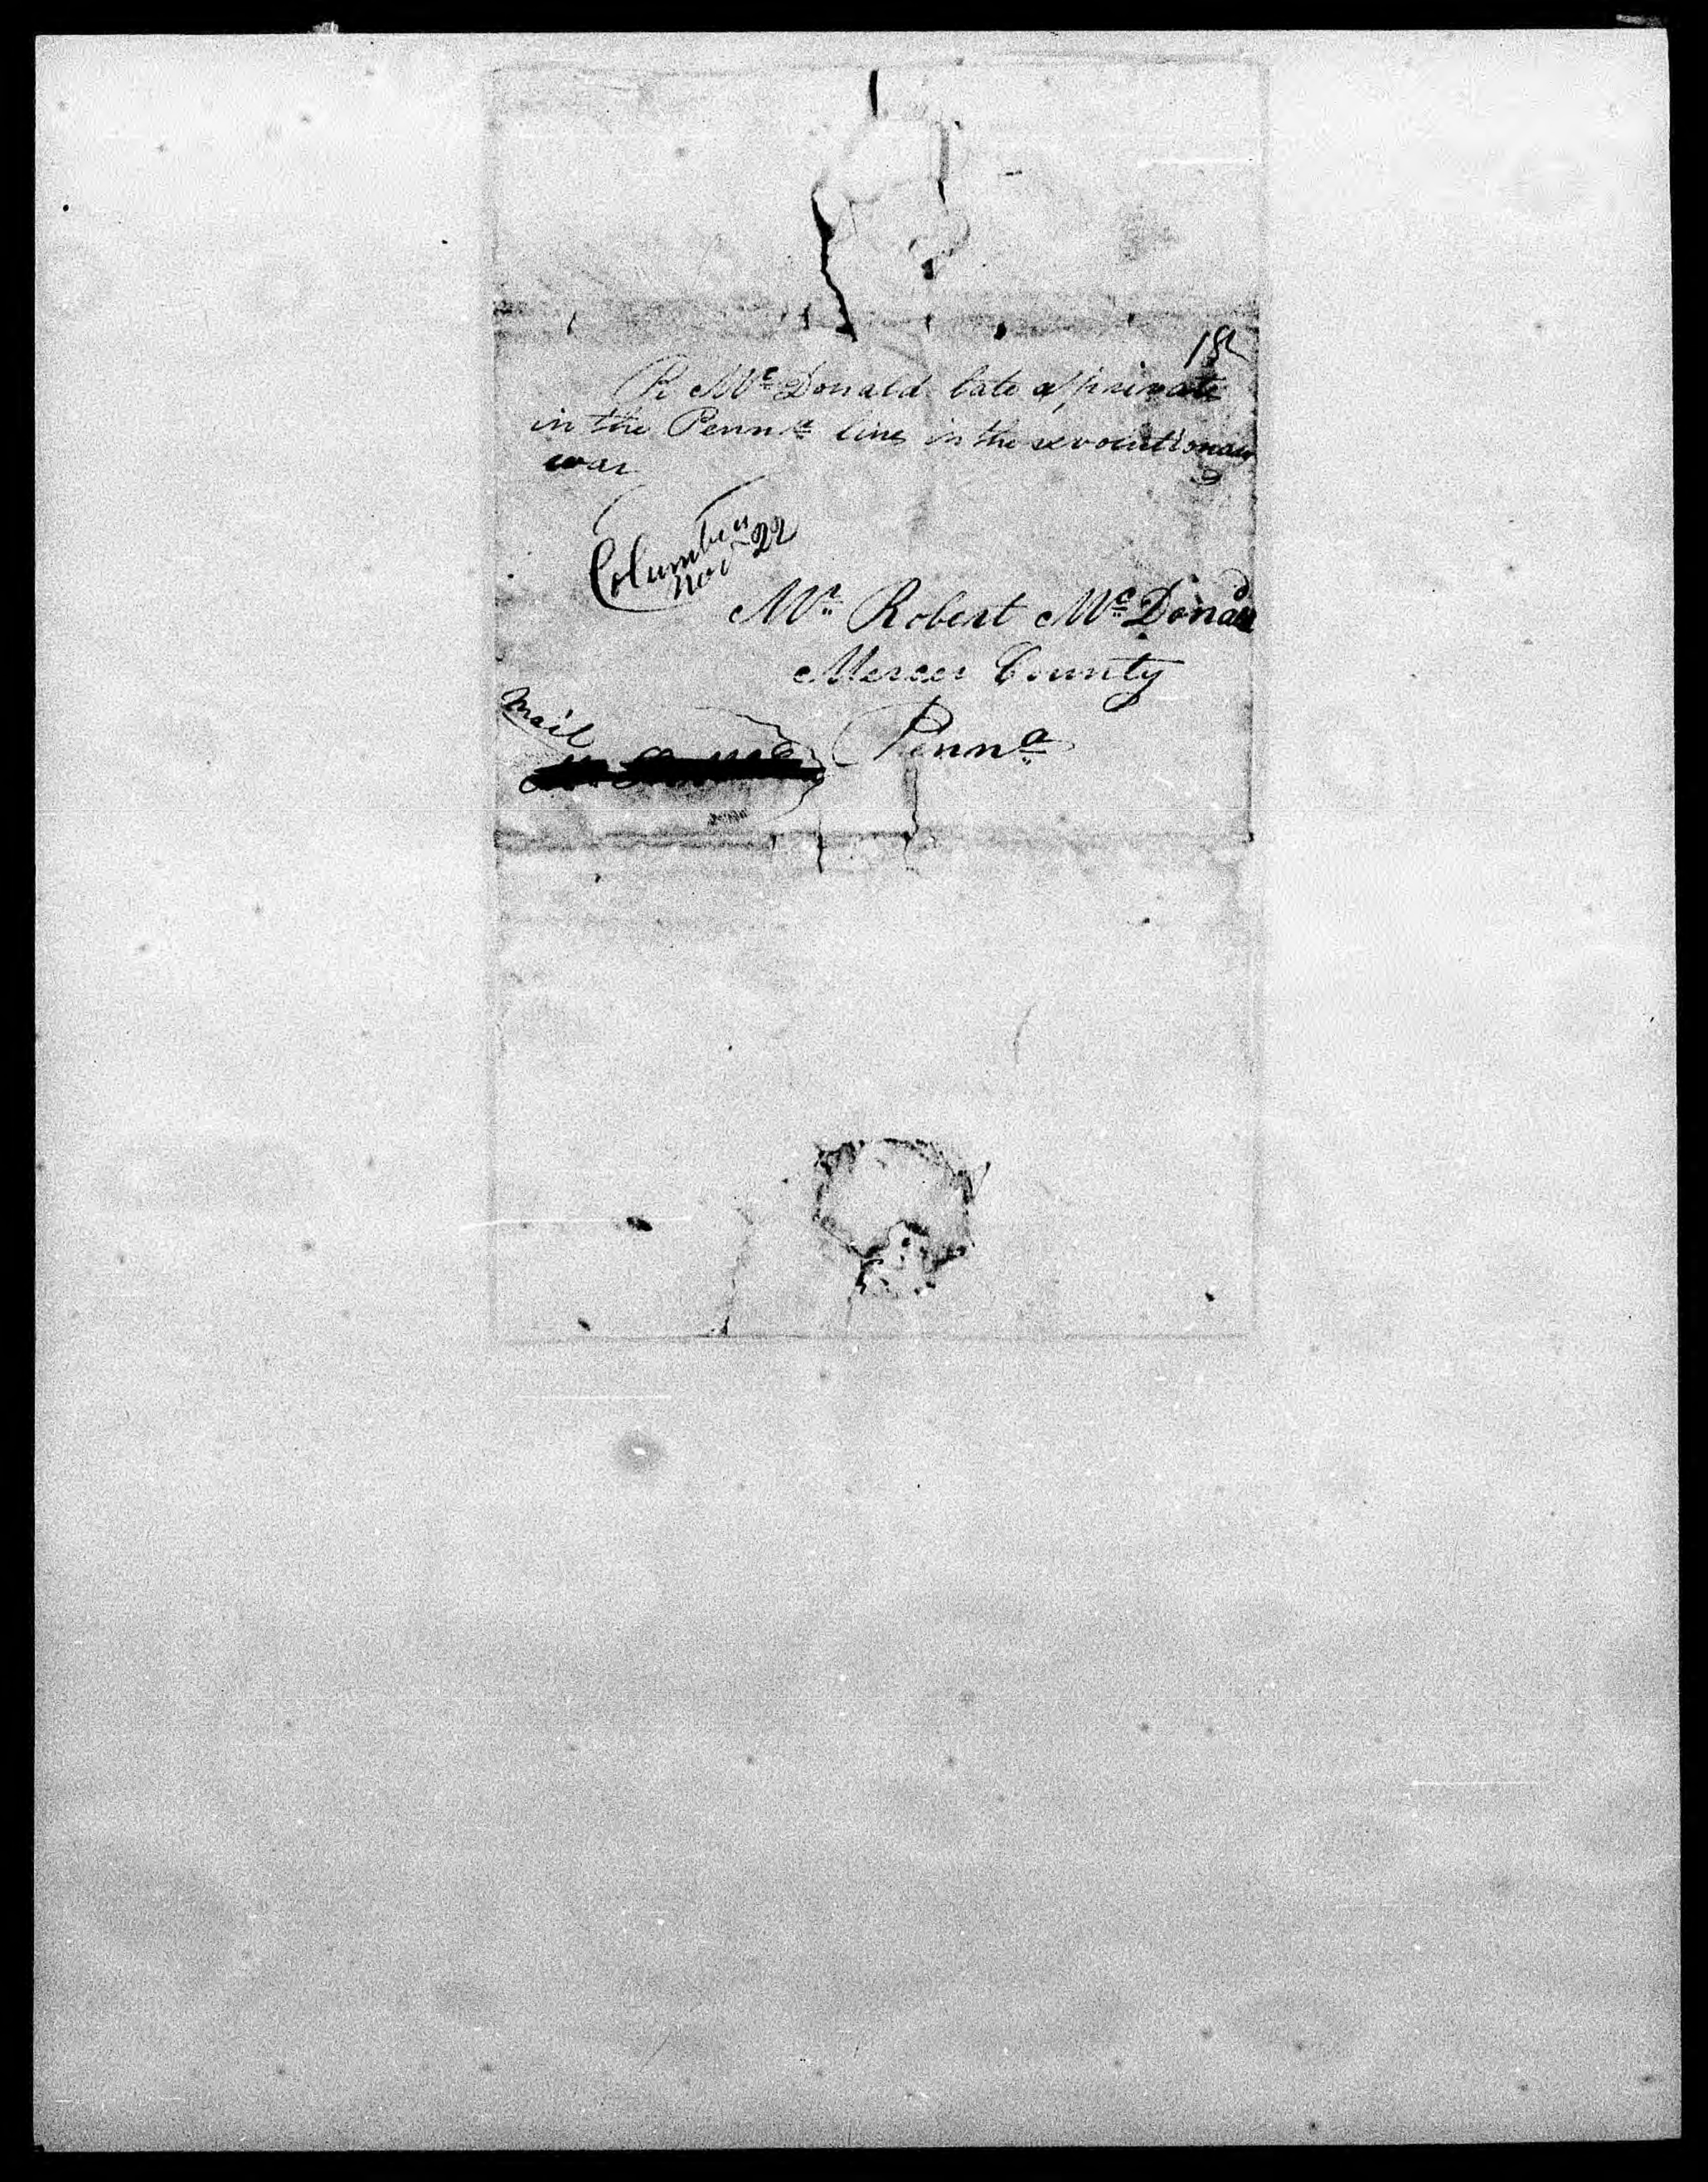R McDonald late a private in the Pennsylvania line in the revolutionary war.
Columbus Nov 22
W. Robert McDonald
Mercer County Penna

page: 41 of 59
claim: widow's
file: W 3703, for Robert Mc Donald, Pennsylvania